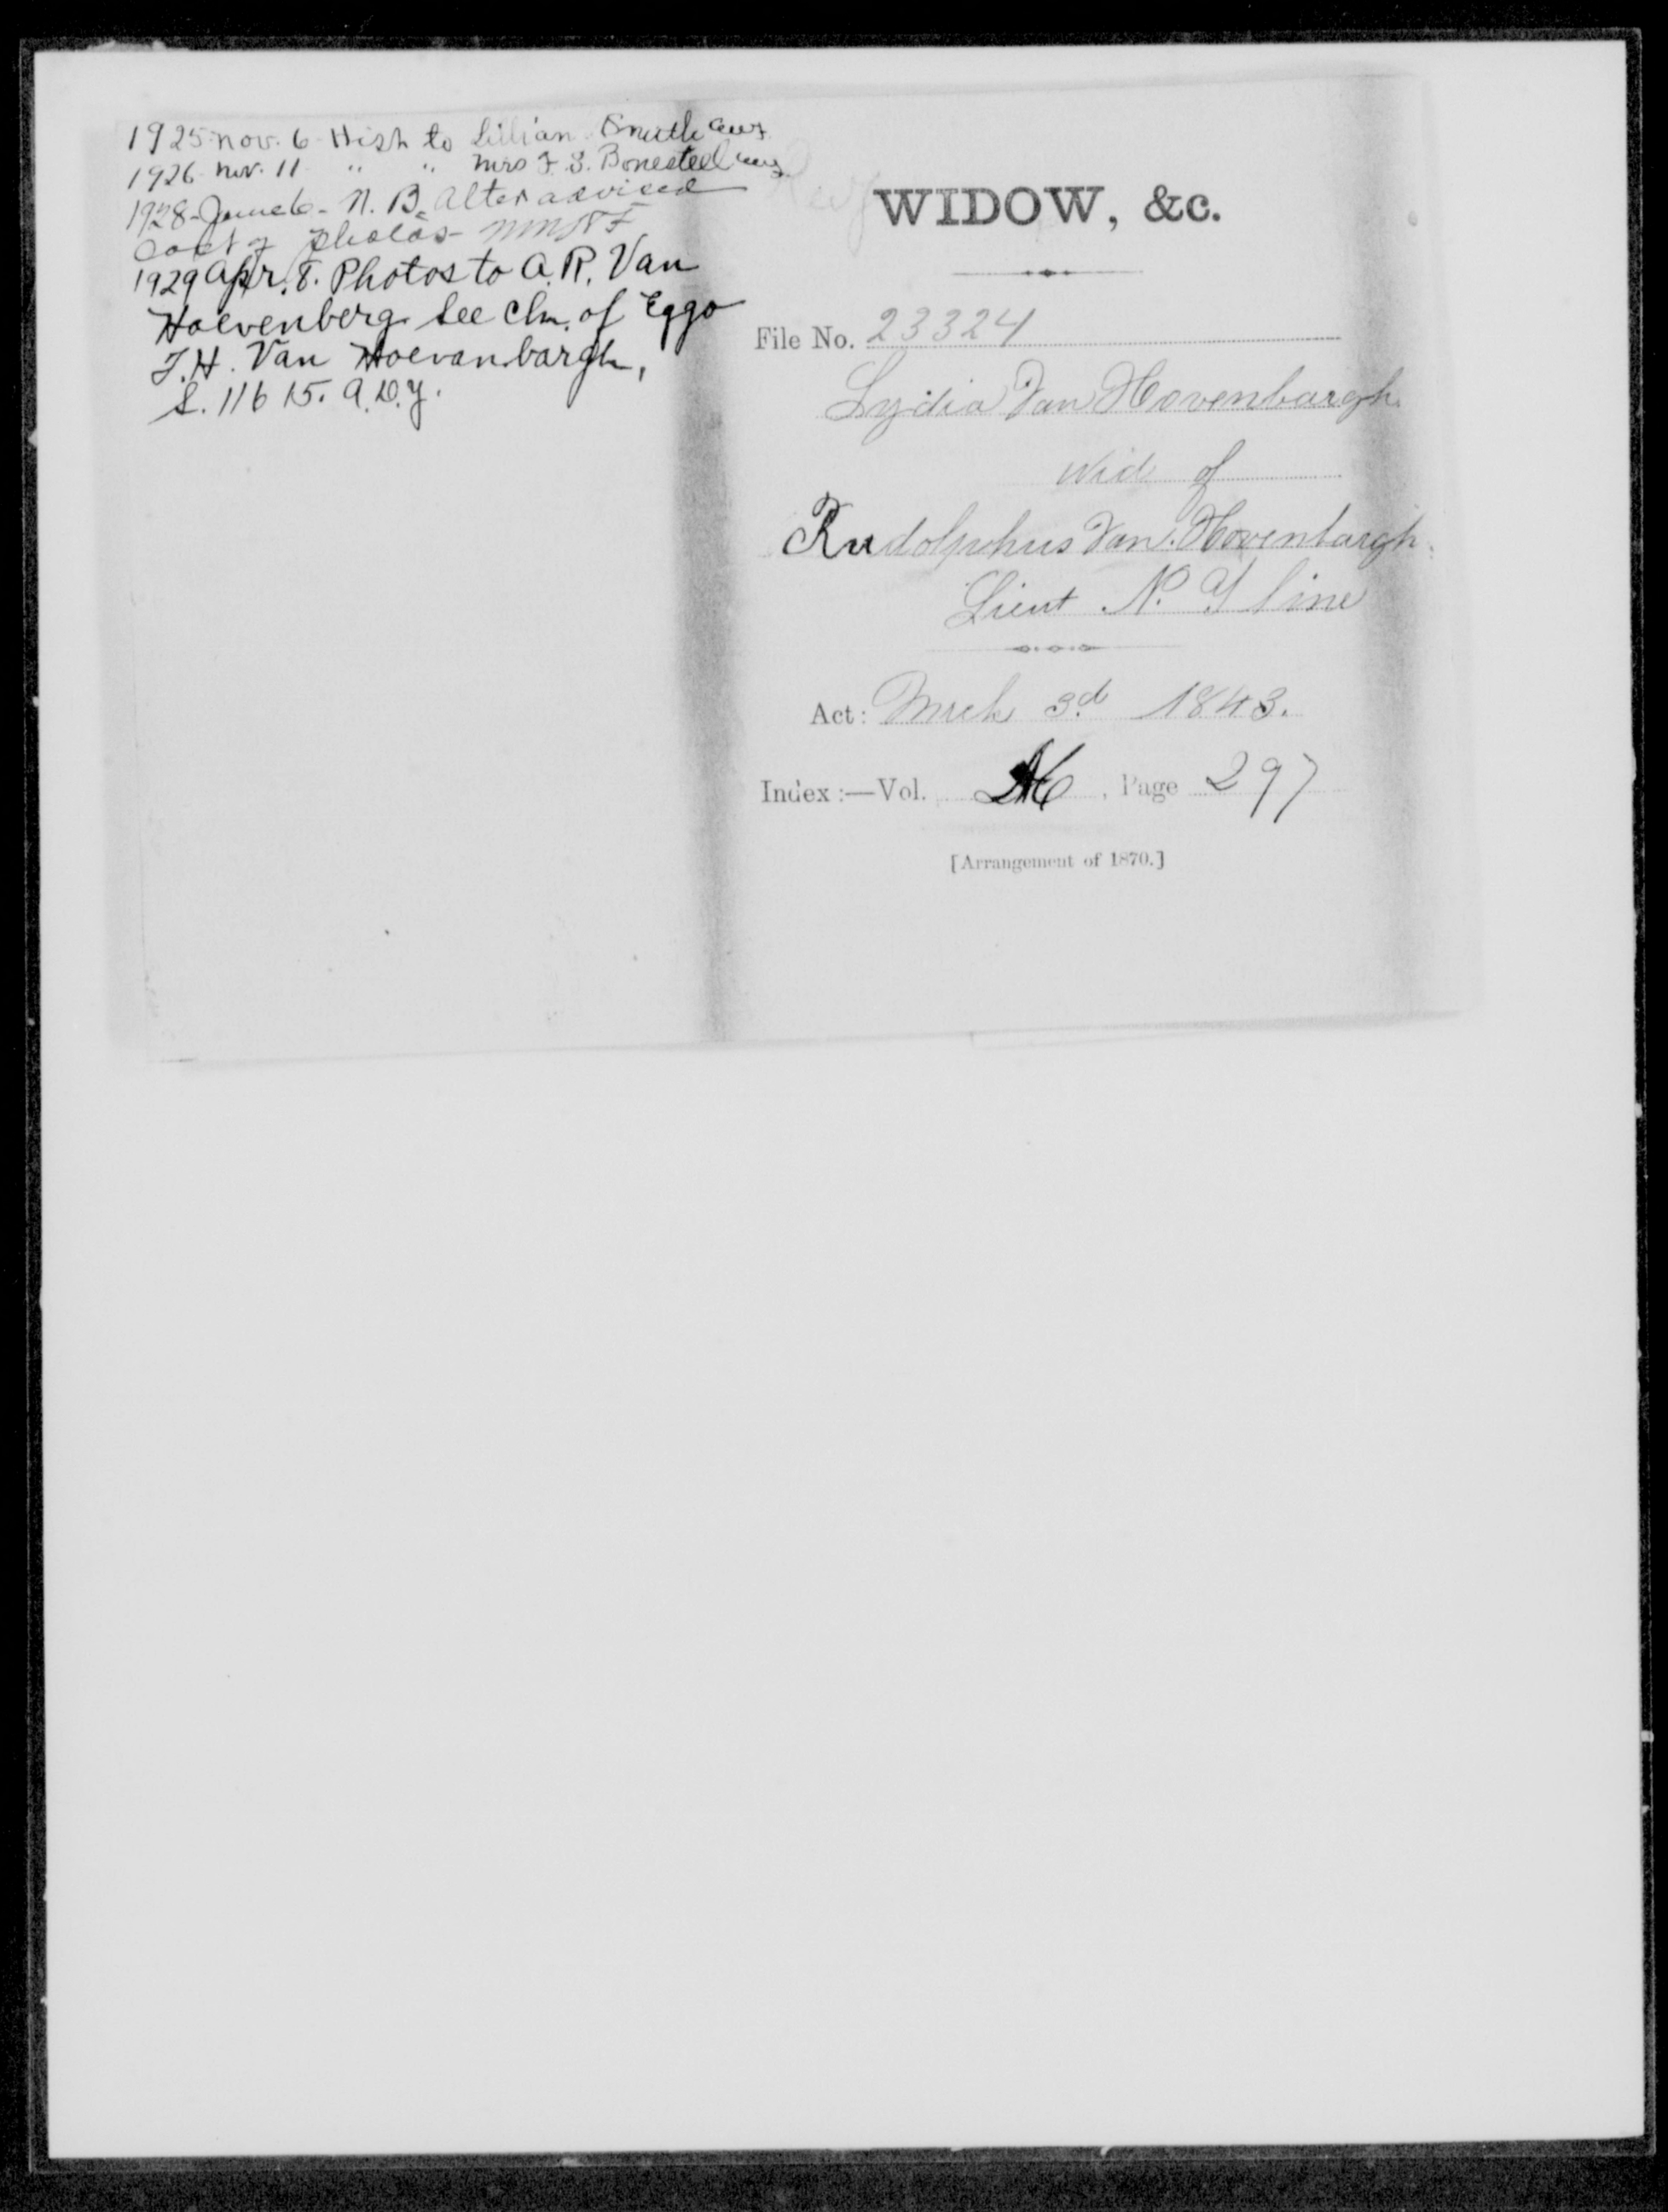[notes on left side]
1925 Nov 6, Hist to Lillian Smith "auy"
1926 Nov. 11 " " Mrs. F. S. Bonesteel "auy"
1928 June 6. N.B. Alter advised cost of Photos "MMHF"
1929 Apr. 8. Photos to A.R. Van Hoevenberg See Clm. of Eggo T. H. Van Hoevanbargh,
S. 116 15, A.D. y

[text on right side]
WIDOW, &c.
File No. 23324
Lydia Van Hovenbargh
wid of
Rudolphus Van Hovenbargh
Lieut N. Y. line
Act: March 3d 1843
Index: -- Vol. A6, Page 297
[Arrangement of 1870.}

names: Rudolphus Van Hovenbargh, Lydia Van Hovenbargh, A R Van Hoevenberg, Lillian Smith, N B Alter, Eggo T H Van Hoevanbargh, F S Bonesteel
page: 29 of 38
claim: widow's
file: W. 23324, Rudolphus Van Hoevenbergh, New York